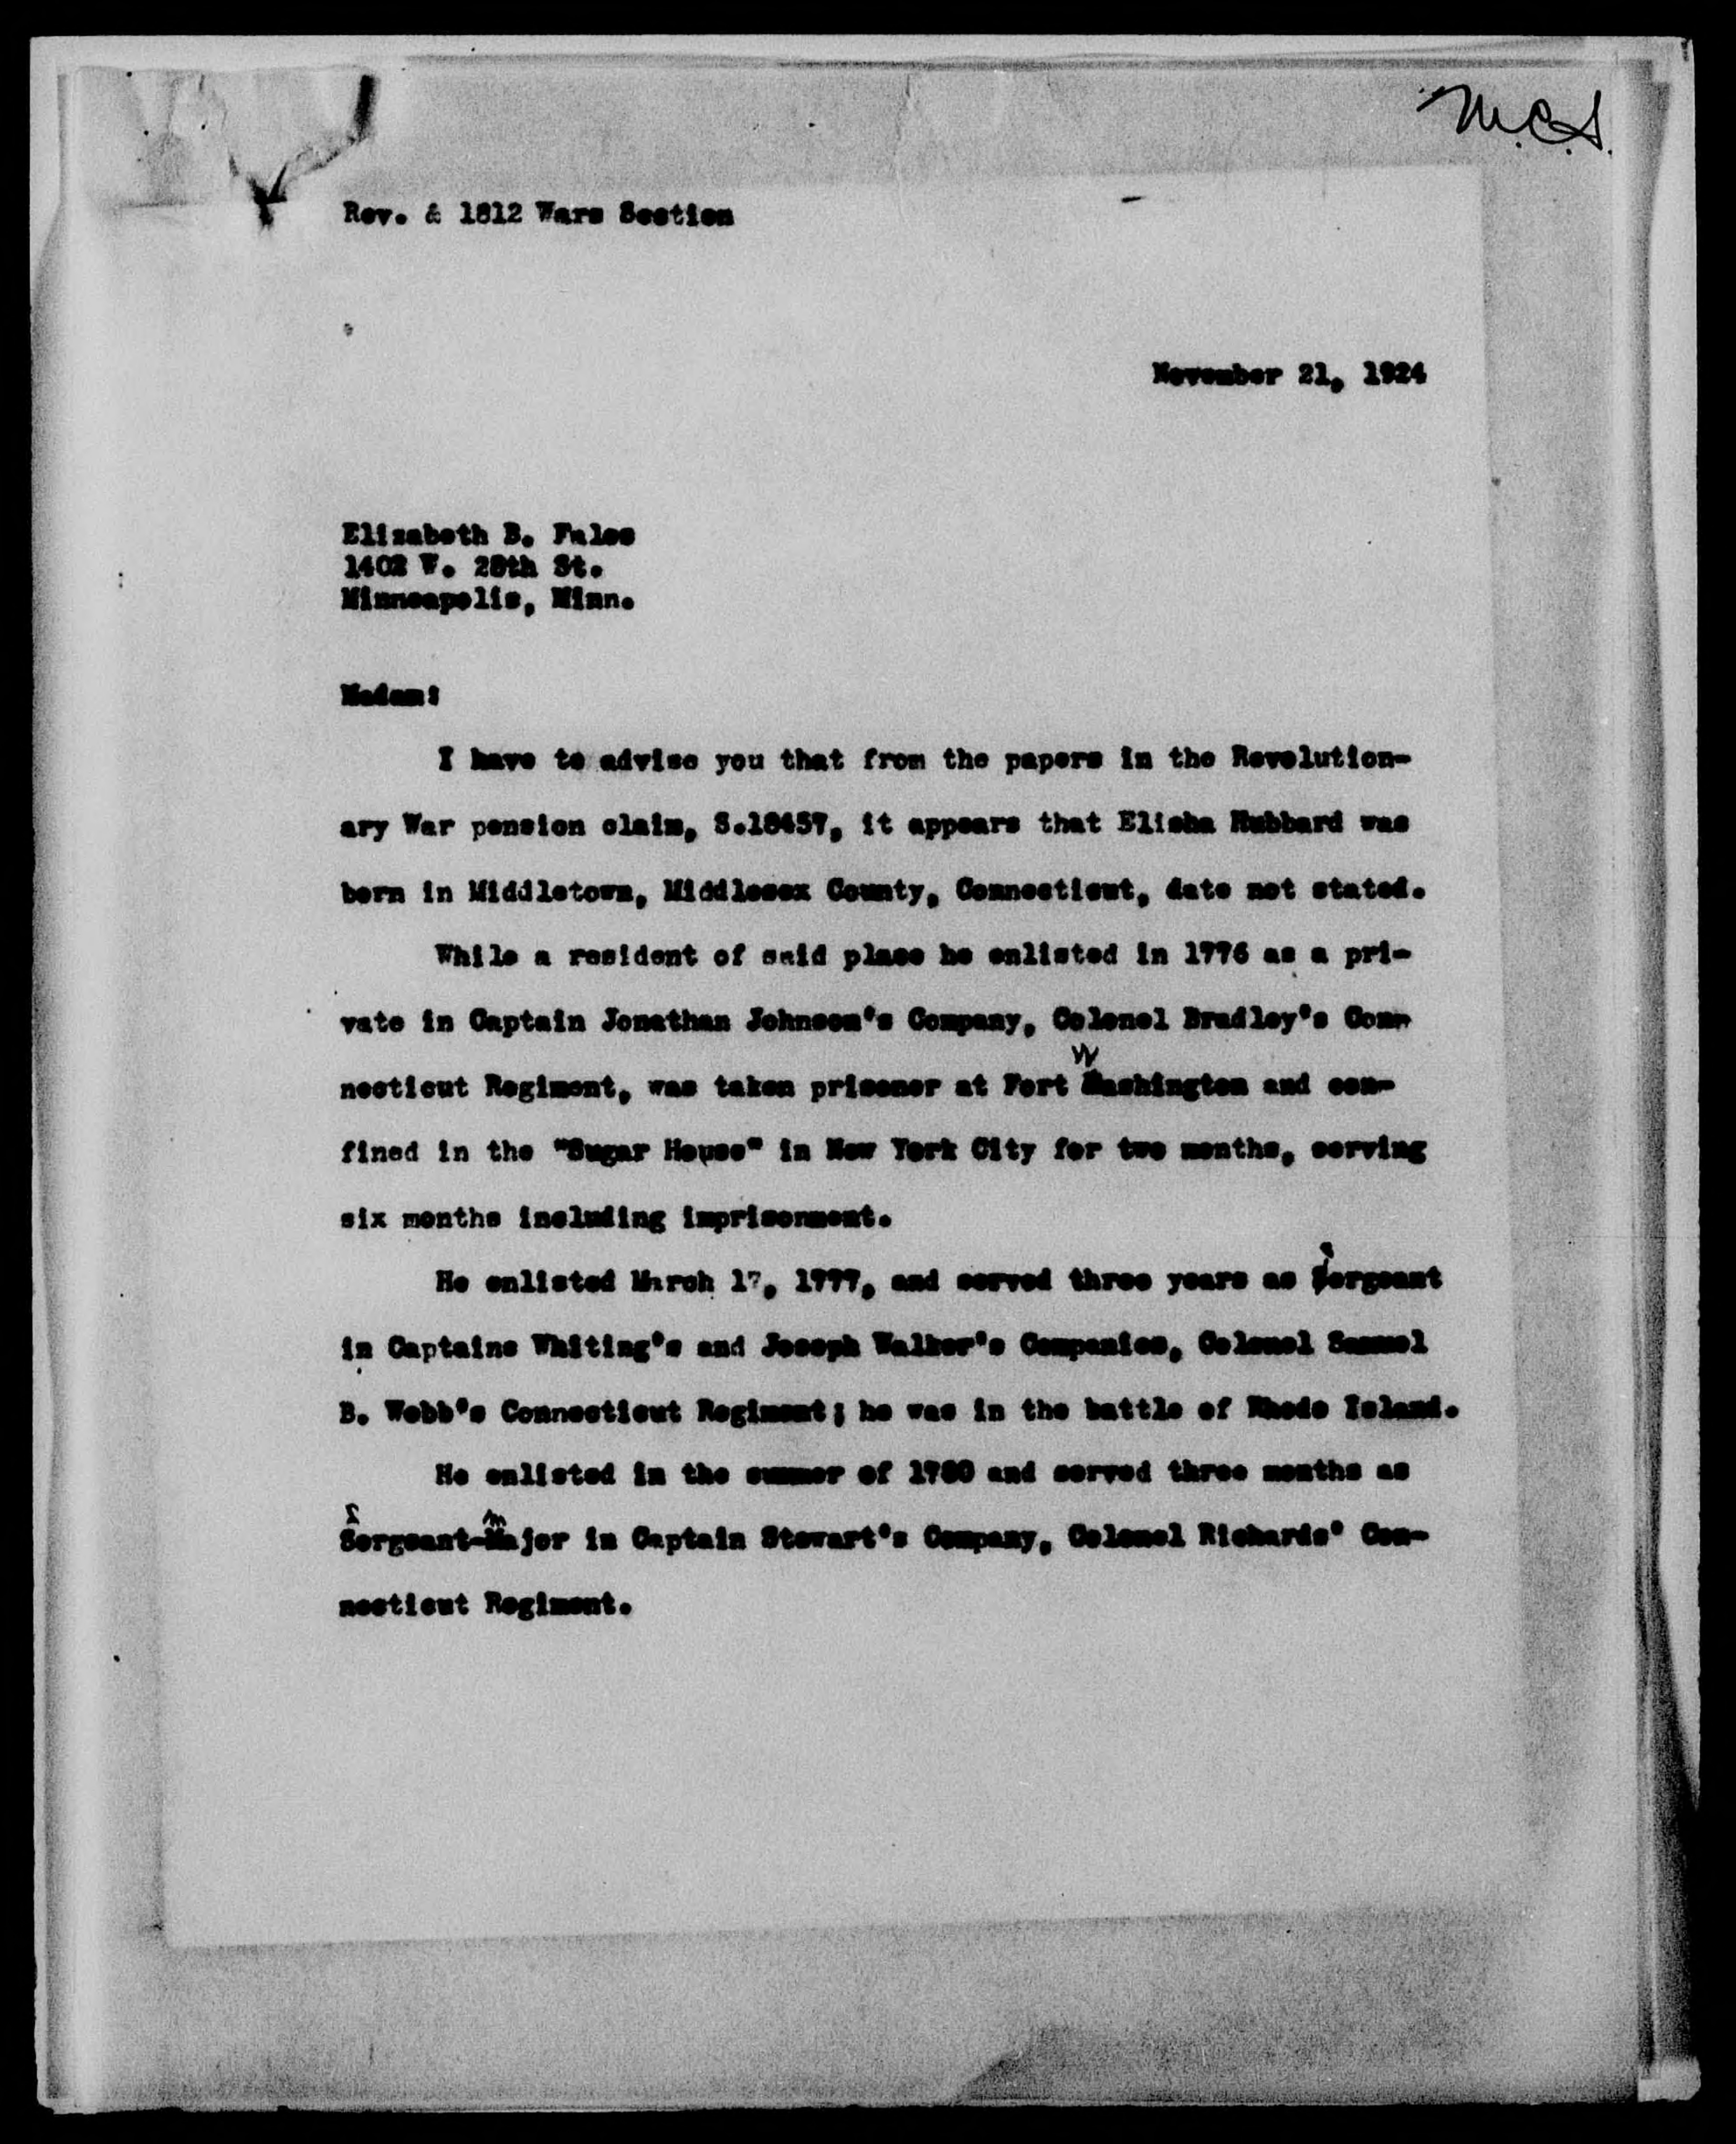Rev. & 1012 Wars Section

November 21, 1924

Elisabeth B. False
1402 V. 20th St.
Minneapolis, Mian.

Madam:
I have to advise you that from the papers in the Revolution-ary [Revolutionary] War pension claim, S.18457, it appears that Elisha Hubbard was born in Middletown, Middlesex County, Connecticut, date not stated.
While a resident of said place be enlisted in 1996 as a pri-vate [private] in Capital Jonathan Johnson's Company, Colonel Bradley's Connecticut Regiment, was taken prisoner at Fort Washington and confined in the "Sugar House" in New York City for two months, serving six months including imprisonment.
He enlisted March 17, 1999, and served three years as Sergeant in Captains Whiting's and Joseph Walher's Companies, Colonel Samuel B. Webb's Connecticut Regiment; he was in the battle of Rhode Island.
He enlisted in the summer of 1988 and served three months as Sergeant-Major in Captain Stewart's Company, Colonel Richards' Con-neeticut [Connecticut] Regiment.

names: Elizabeth B Fales, Elisha Hubbard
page: 13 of 63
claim: survivor's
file: S. 18457, Elisha Hubbard, Conn. Continental